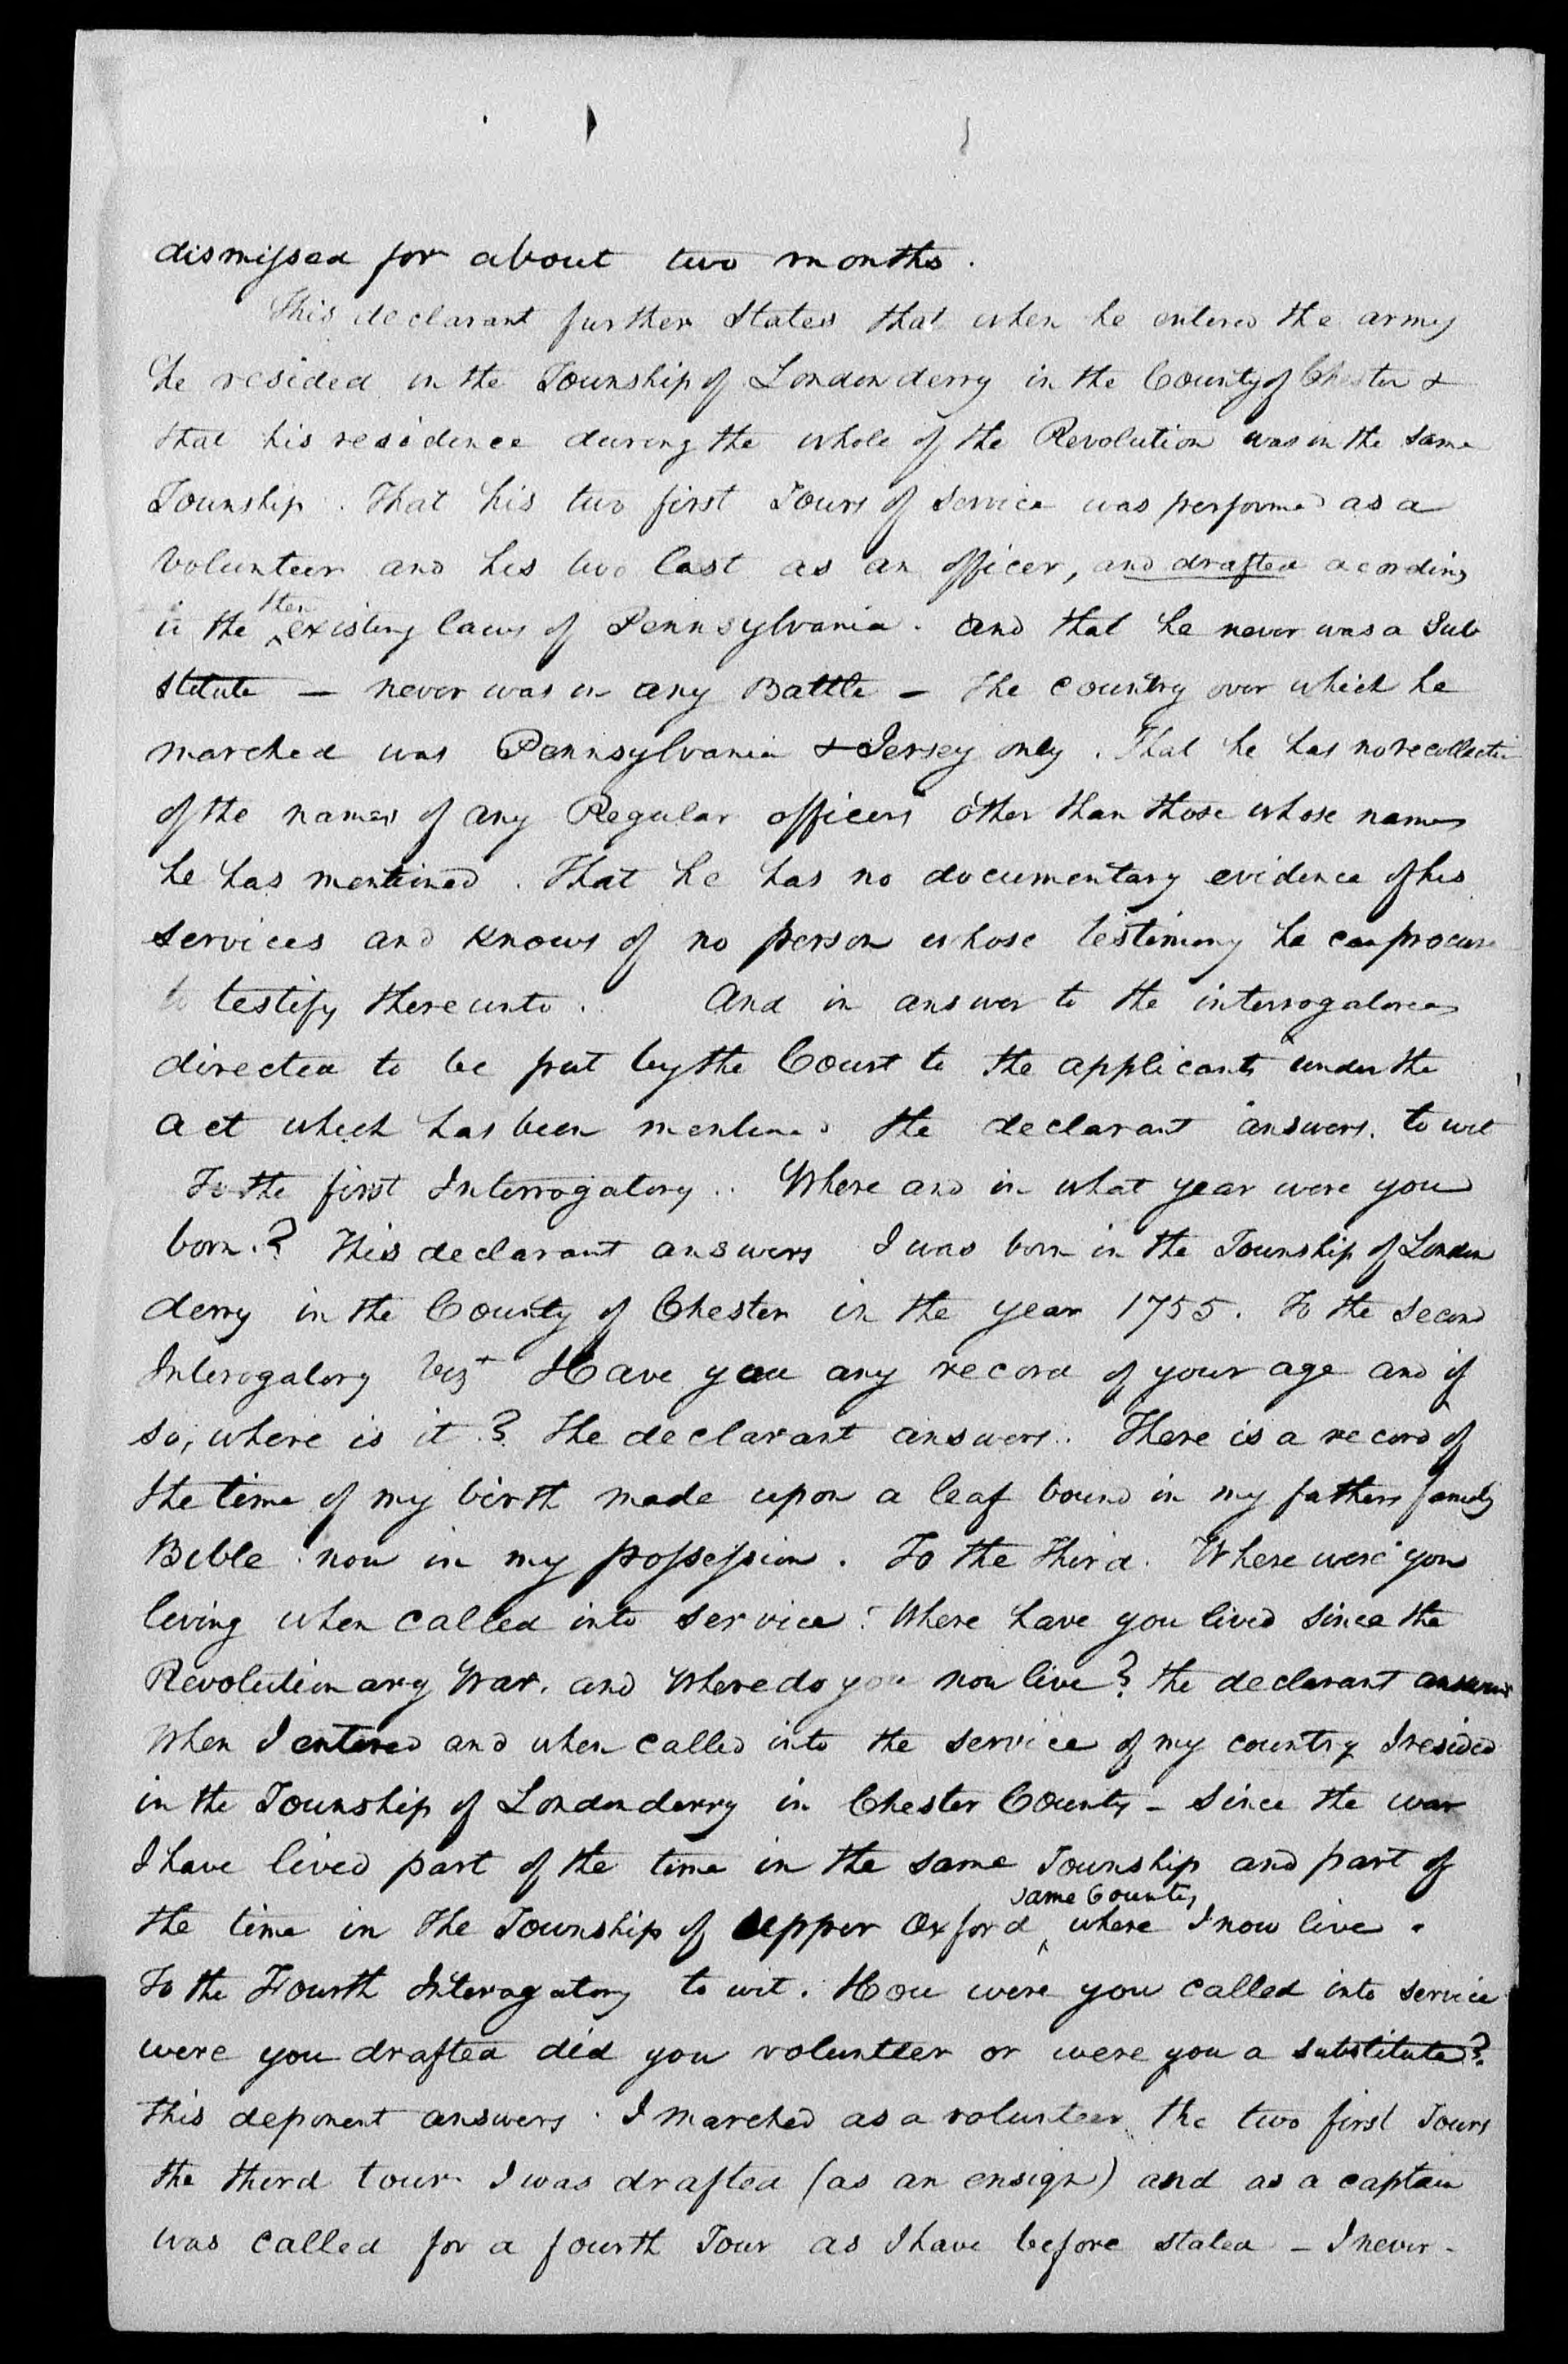dismissed for about two months.
This declared further states that when he entered the army he resided in the Township of Londonderry in the County of Chester and that his residence during the whole of the Revolution was in the same township.  That his two first tours of service was performed as a volunteer and his two last as an officer, and drafted according to the then existing laws of Pennsylvania. and that he never was a substitute - never was in any Battle - the county over which he marched was Pennsylvania & Jersey only.  That he has no recollection of the names of any Regular officers other than those whose names he has mentioned.  That he has no documentary evidence of his services and knows of no person whose testimony he can procure to testify there unto.  And in answer to the interrogations directed to be put by the Court to the applicants under the act which has been mentioned to the declarant answers to will for the first interrogating.  Where and in what year were you born? This declarant answers I was born in the Township of London Derry in the County of Chester in the year 1755.  To the second interrogatory  Have you any record of your age and if so, where is it?  The declarant answers, There is a record of the time of my birth made upon a leaf bound in my fathers family Bible now in my possesion.  To the third. Where were you living when called into service? Where have you lived since the Revolutionary War and where do you now live? The declarant answers when I entered and when called into the service of my country I resided in the Township of Londonderry in Chester County.  Since the war I have lived part of the time in the same township and part of the time in the Township of Upper Oxford    County where I now live.  To the Fourth Interragatory to   .  How were you called into service were you drafted did you volunteer or were you a substitute?  This deponent answers, I marched as a volunteer the two first tours the third tour I was drafted (as an ensign) and as a captain was called for a fourth tour as I have before stated.  I never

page: 5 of 19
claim: survivor's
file: S. 12626, David Crosby, Penn.